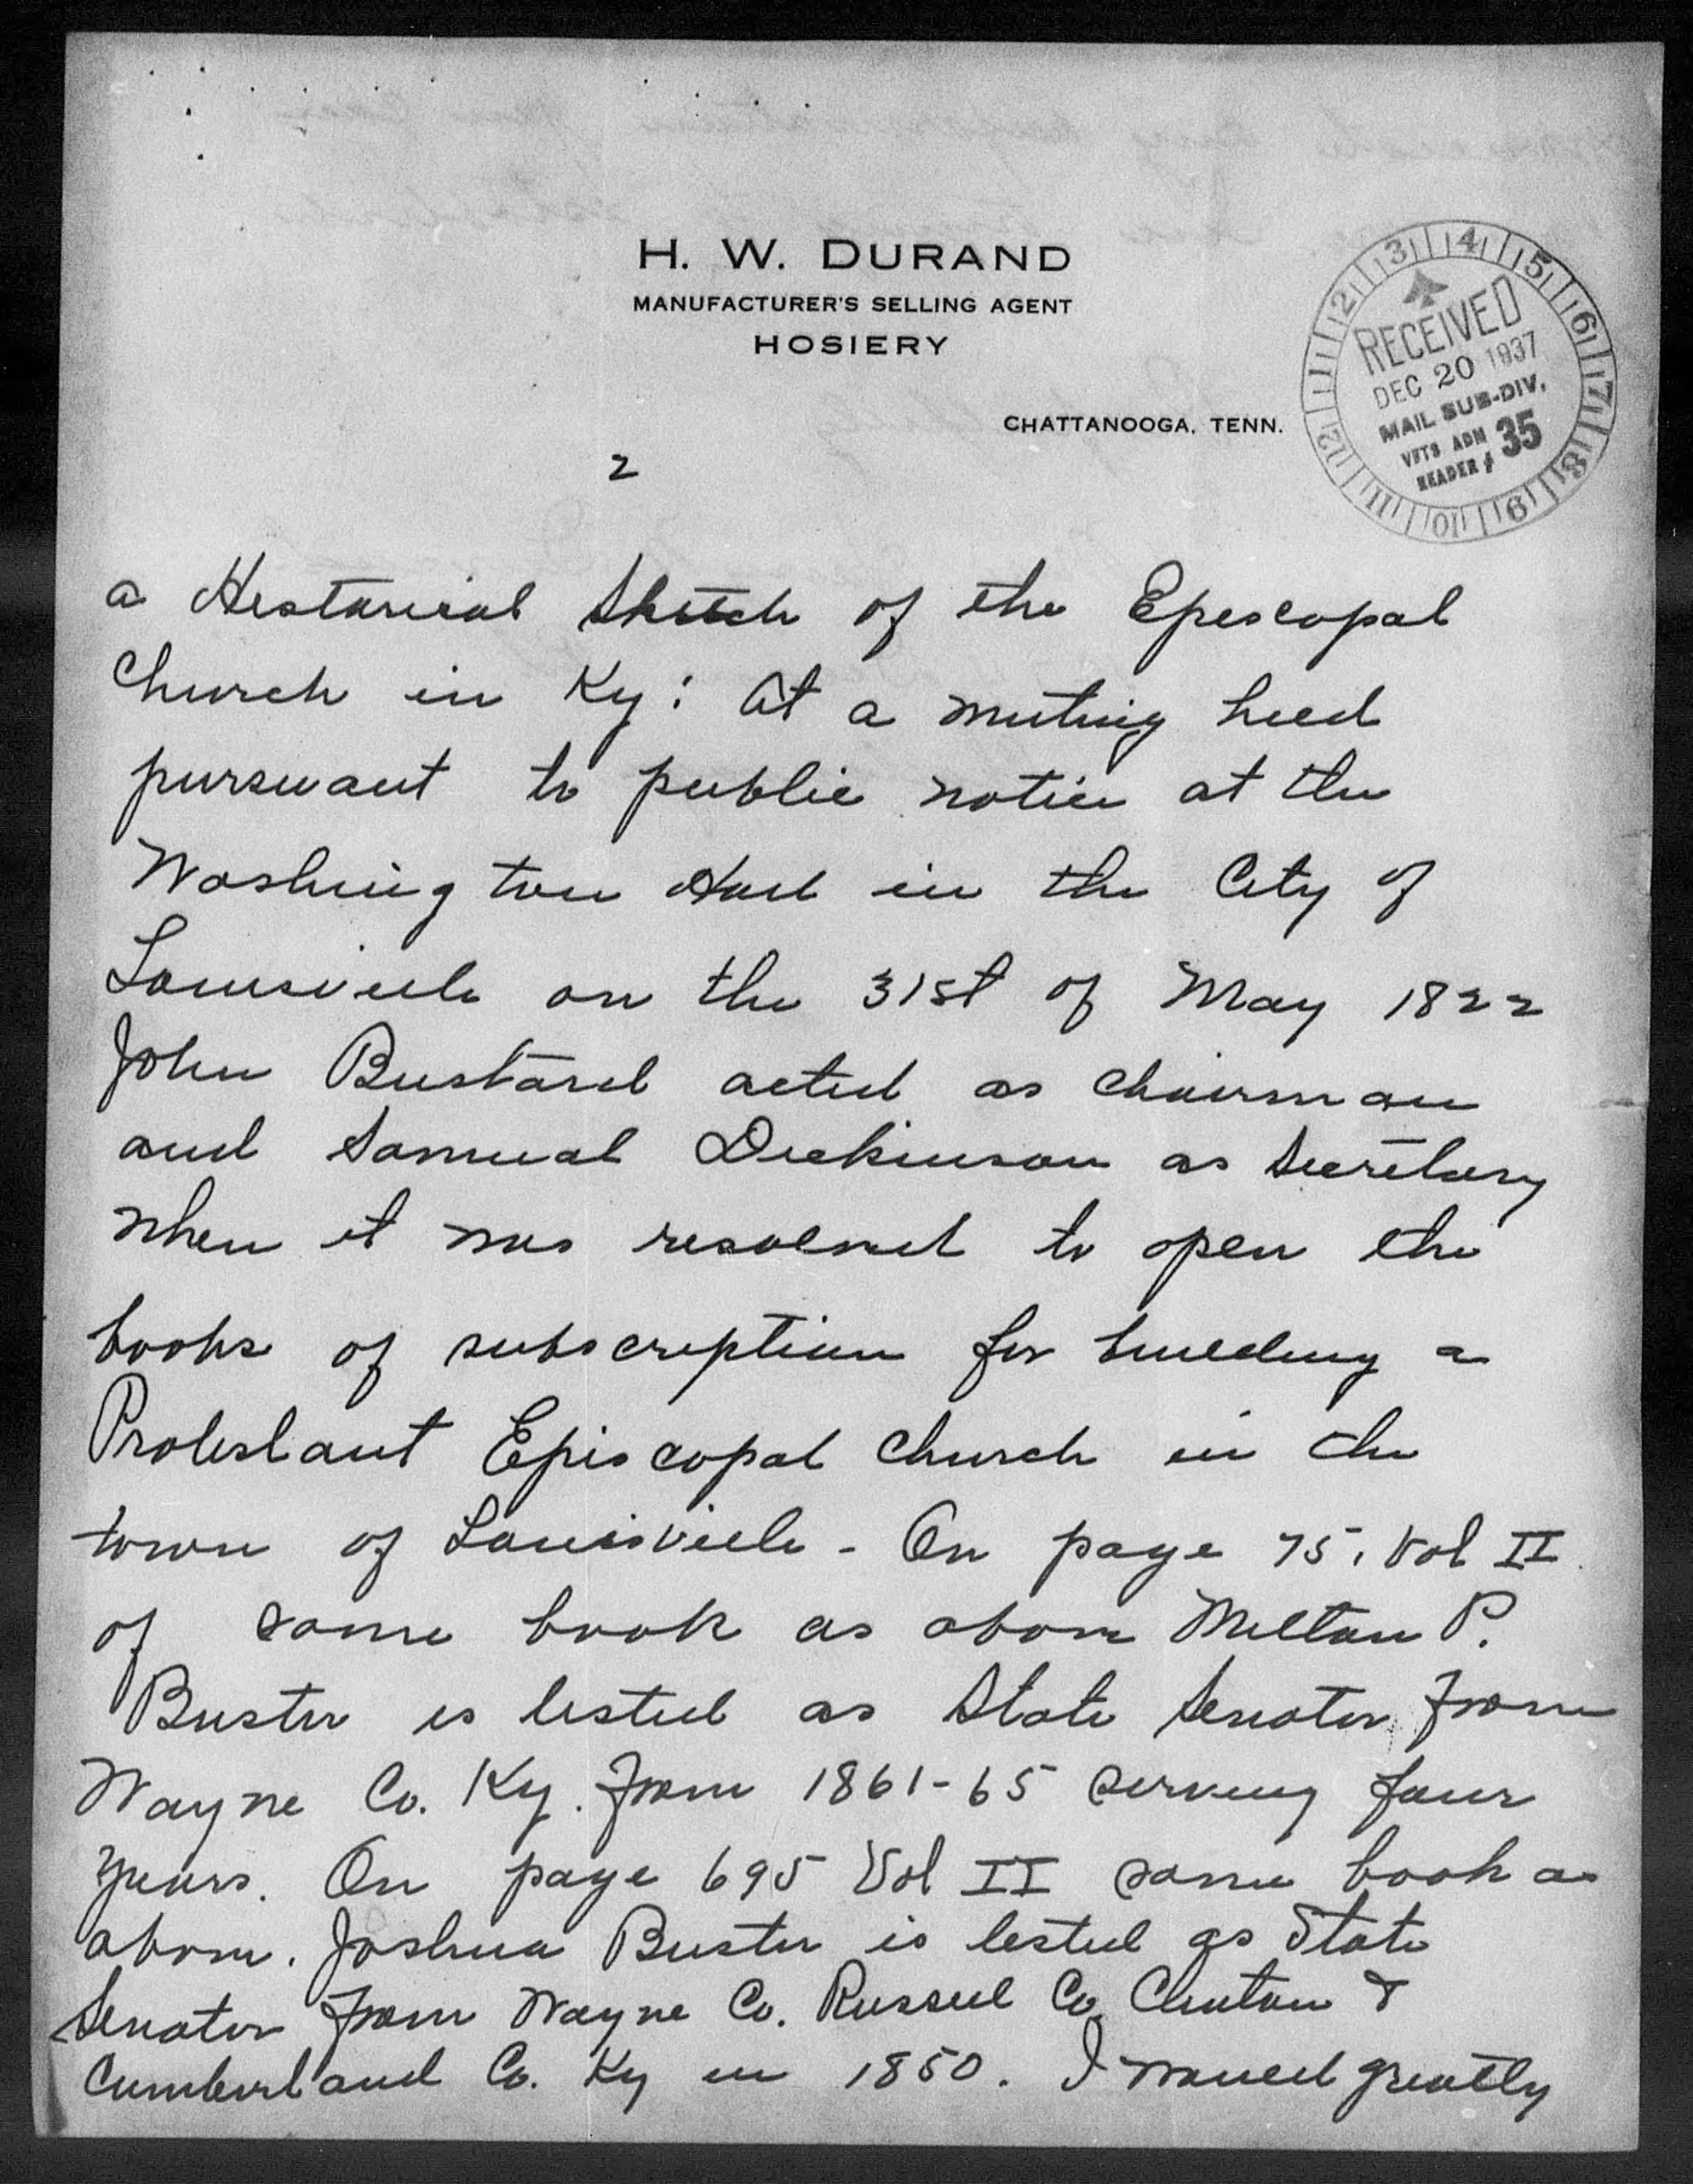H. W. DURAND
MANUFACTURER'S SELLING AGENT
HOSIERY

CHATTANOOGA, TENN.

2
a Historical Sketch of the Episcopal Church in Ky: At a [illegible] pursuant to public notice at the Washington Hall in the City of Louisville on the 31st of May 1822 John Bustard acted as chairman and Samuel Diekinson as Secretary when it was resolved to open the books of subscription for building a Protestant Episcopal church in the town of Louisville - On page 75, Vol II of same book as above Melton P. Buster is listed as State Senator from Wayne Co. Ky. from 1861 - 65 serving four years. On page 695 Vol II same book as above, Joshua Buster is listed as State Senator from Wayne Co. Russell Co [illegible] & Cumberland Co. Ky in 1850. I would greatly

RECEIVED
DEC 20 1937
MAIL SUB-DIV.
VETS ADM
READER 35 [ink stamp]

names: H W Durand, Milton P Buster, John Bustard, Samual Dickinson, Joshua Buster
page: 55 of 71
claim: widow's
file: W. 25310, Claudius Buster, Va.